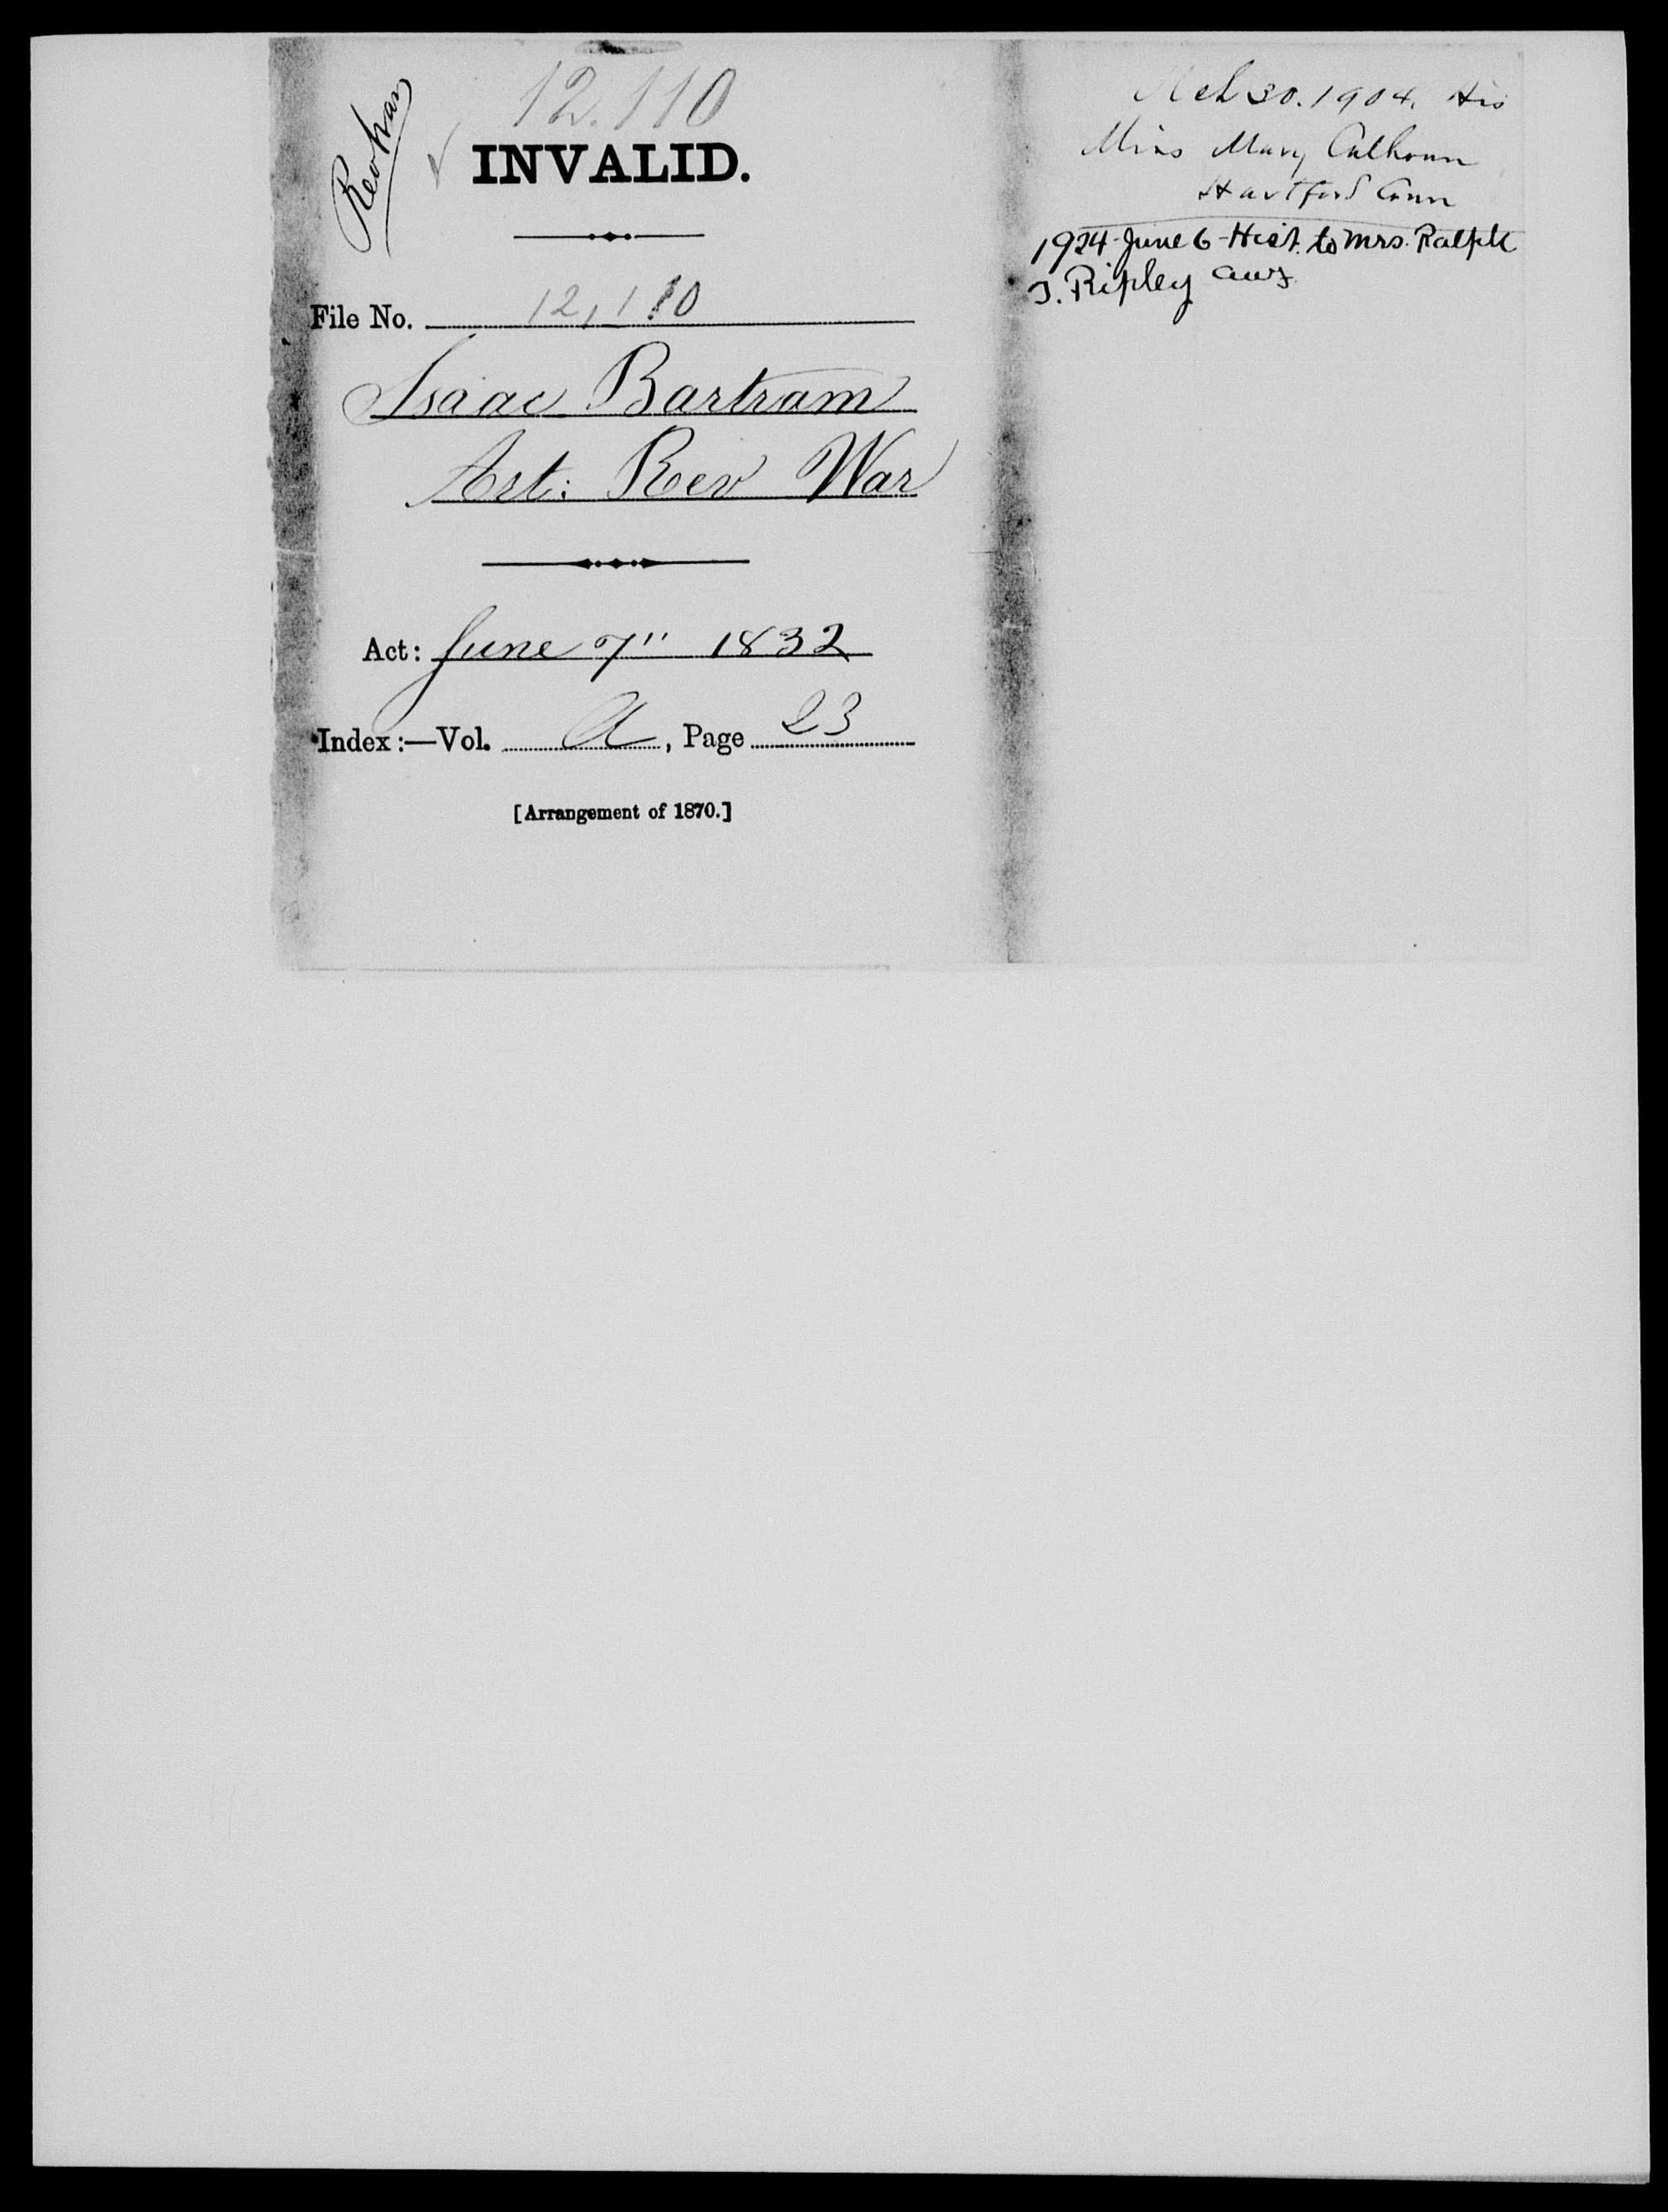Reohan

12.110
INVALID.

File No. 12110
Isaac Bartram
Art Rev War
Act: June 7, 1832
Index:--Vol. A, Page 23
[Arrangement of 1870.]


Mch 30, 1904, His
Miss Mary Calhoun
Hartford Conn

1924 June 6- Hist to Mrs. Ralph
T. Ripley    Aug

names: Mary Calhoun, Ralph T Ripley, Isaac Bartram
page: 37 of 39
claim: survivor's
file: S. 12110, Isaac Bartram, Continental (Conn)